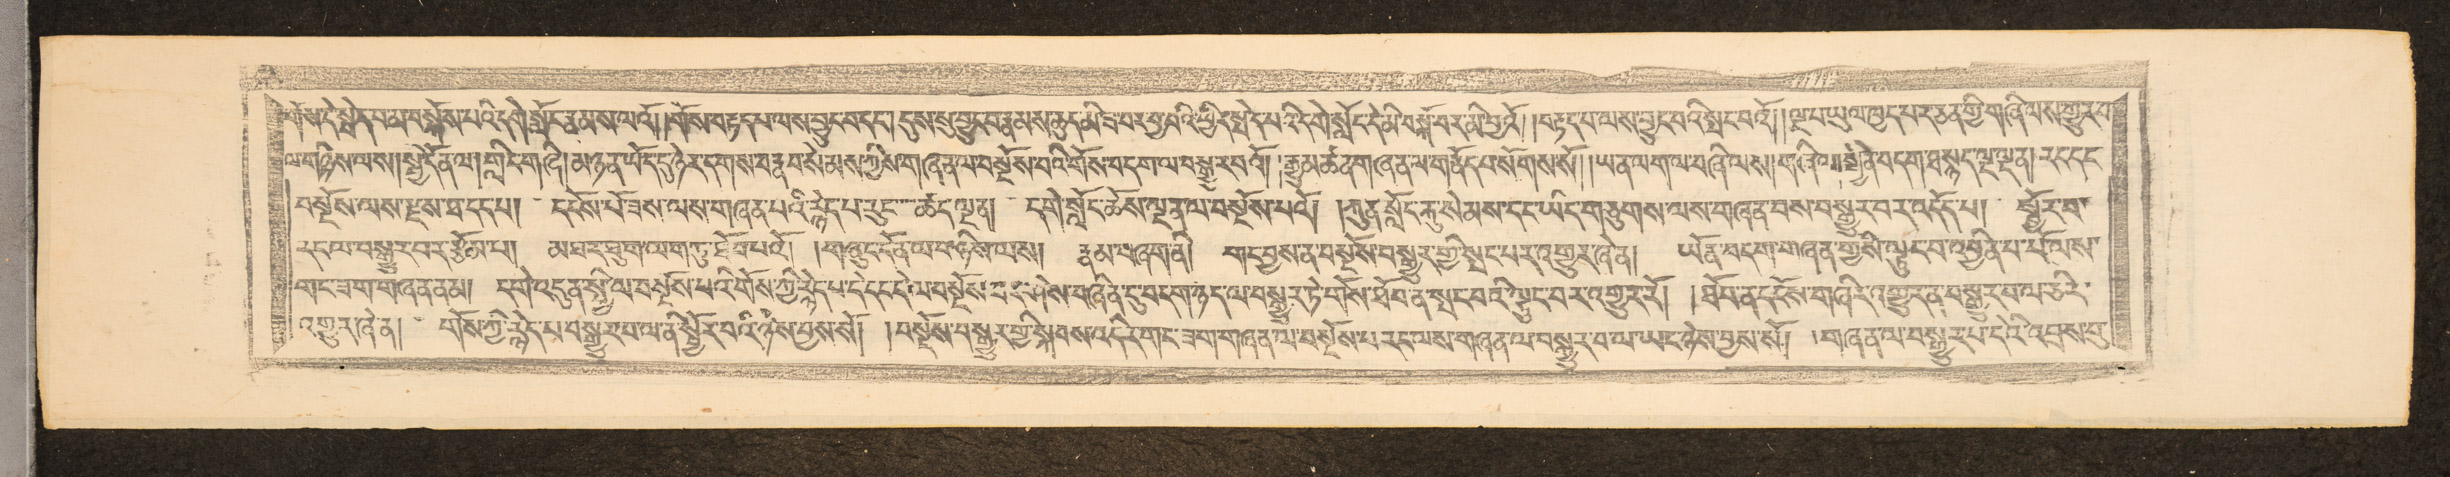གོས་དེ་སྦེད་པ་མ་བསྐོས་པའི་དགེ་སློང་རྣམས་ལའོ། །གོས་བརྟད་པ་ལས་བྱུང་བ་དང་། དུས་སུ་བྱུང་བ་རྣམས་ཆུད་མི་ཟ་བར་བྱ་བའི་ཕྱིར་སྤེད་པའི་དགེ་སློང་དེ་མི་བསྐ་བར་མི་བྱའོ། །བརྟད་པ་ལས་བྱུང་བའི་སྦང་བའོ། །ལྔ་པ་ཡུལ་ཁྱད་པར་ཅན་གྱི་གཞི་ལས་གྱུར་བ་
ལ་གཉིས་ལས། སྦྱི་དོན་ལ་གླིང་གཞི། མཉན་ཡོད་དུ་ཉེར་དགས་བརྣབ་སེམས་ཀྱིས་གཞན་ལ་བསྔོས་པའི་གོས་བདག་ལ་བསྒྱུར་བའོ། །རྒྱུ་མཚན་གཞན་ལ་གནོད་པ་སོགས་སོ། །ཡན་ལག་ལ་བཞི་ལས། གཞི་ལ། སྦྱིན་བདག་ཐ་སྙད་ལྔ་ལྡན། རང་དང་
བསྔོ་ས་ལས་རྫས་ཐ་དད་པ། དངོས་པོ་ཟས་ལས་གཞན་པའི་རྙེད་པ་རུང་ཚད་ལྡན། དགེ་སློང་ཆོས་ལྡན་ལ་བསྔོས་པའོ། །ཀུན་སློང་རྐུ་སེམས་དང་ཡིད་གཅུགས་ལས་གཞན་པས་བསྒྱུར་བར་འདོད་པ། སྦྱོར་བ་
རང་ལ་བསྒྱུར་བར་རྩོམ་པ། མཐར་ཐུག་ལག་ཏུ་ཐོབ་པའོ། །གཞུང་དོན་ལ་གཉིས་ལས། རྣམ་བཞག་ནི། གང་བྱས་ན་བསྔོས་བསྒྱུར་གྱི་སྤང་བར་འགྱུར་ཞེ་ན། ཡོན་བདག་གཞན་གྱིས་ལྟུང་བ་འབྱིན་པ་པོ་ལས་
གང་ཟག་གཞན་ནམ། དགེ་འདུན་སྤྱི་ལ་བསྔོས་པའི་གོས་ཀྱི་རེད་བ་དེ་དང་དེ་ལ་བསྔོས་པར་ཤེས་བཞིན་དུ་བདག་ཉིད་ལ་བསྒྱུར་ཏེ་གོས་ཐོབ་ན་སྤང་བའི་ལྟུང་བར་འགྱུར་རོ། །ཐོབ་ན་དངོས་གཞིར་འགྱུར་ན་བསྒྱུར་བ་ལ་ཅིར་
འགྱུར་ཞེ་ན། གོས་ཀྱི་རྙེད་པ་བསྒྱུར་བ་ལ་ནི་སྦྱོར་བའི་ཉེས་བྱས་སོ། །བསྔོས་བསྒྱུར་གྱི་སྐབས་འདིར་གང་ཟག་གཞན་ལ་བསྔོས་པ་རང་ལས་གཞན་ལ་བསྒྱུར་བ་ལ་ཡང་ཉེར་བྱས་སོ། །གཞན་པ་བསྒྱུར་བ་དེའི་འབྲས་བུ་